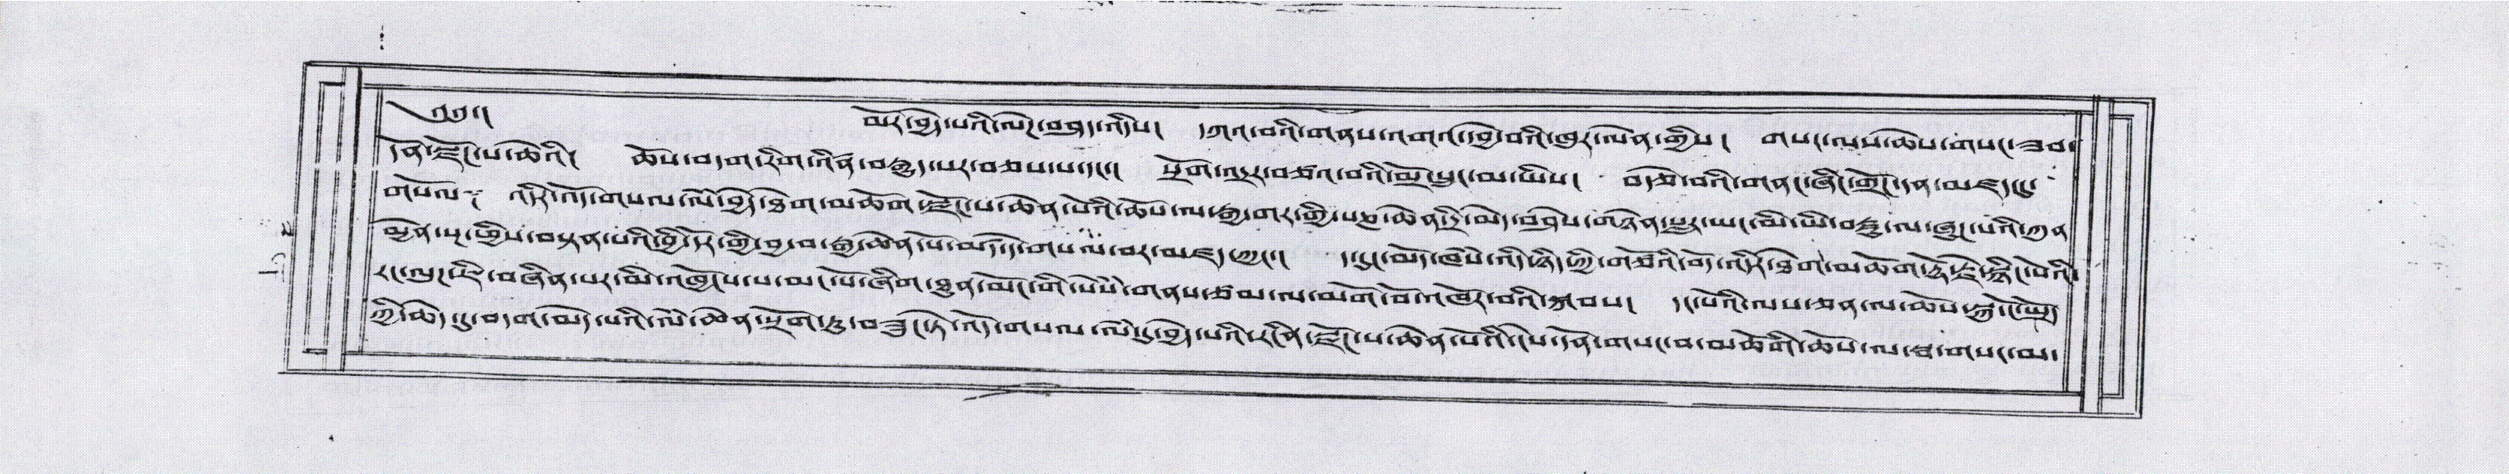མོར་བྱེད་པའི་ལེགས་བཤད་འདིས། དཀའ་བའི་གནས་འགའ་དབྱེ་བའི་ཁུར་ལེན་གྱིས། གསང་ལས་ཆོས་གསང་ཟབ་
དོན་རྫོགས་པ་ཆེའི། ཆོས་བདག་རིག་འཛིན་བརྒྱུད་པར་བཅས་པ་དང། སྲོག་འདྲར་བཙའ་བའི་མཁའ་འགྲོ་སྲུང་མ་ཡིས། བརྩེ་བའི་གནང་ཞིང་གྲོགས་དོན་མཛད་དུ་
གསོལ། འདིར་འོད་གསལ་ལམ་བྱེད་ཐེག་མཆོག་རྫོགས་པ་ཆེན་པོའི་ཆོས་ལ་རྒྱ་གར་གྱི་པཎ་ཆེན་དྲི་མེད་བཤེས་གཉེན་སླར་ཡང་མི་ཡི་བརྫུ་ལ་ཞུགས་པའི་ཀུན་
མྱོན་སྔ་ཕྱིས་བསྟན་པའི་བྱི་དོར་གྱི་བྱ་བ་རྒྱ་ཆེན་པོ་མཛད་དེ་གསལ་བར་མཛད་ཀྱང། ད་དུང་མོད་ཁམས་འདི་ཉིད་ཀྱི་གཙོའི་བོད་འདིར་ཐེག་མཆོག་རྡོ་རྗེ་སྙིང་པོའི་
རང་ལུགས་ཇི་བཞིན་པར་མི་འཁྱོངས་པ་མང་པོ་ཞིག་ཐུན་མོང་གི་སེམས་གནས་ཙམ་ལ་མགོ་བོ་འཁོར་བའི་སྐབས། དང་པོའི་ལས་ཅན་ལ་ཆོས་སྐུ་ངོ་སྤྲོད་
ཀྱི་ཆེད་དུ་བདག་མོད་པའི་ལམ་ཆེན་སྲོག་ཏུ་བཟུང་ཏེ་འོད་གསལ་ལམ་དུ་བྱེད་པའི་རང་བཞིན་རྫོགས་པ་ཆེན་པོའི་ངེས་དོན་གསང་བ་མཆོག་གི་ཆོས་ལ་སྦ་གསང་མ་